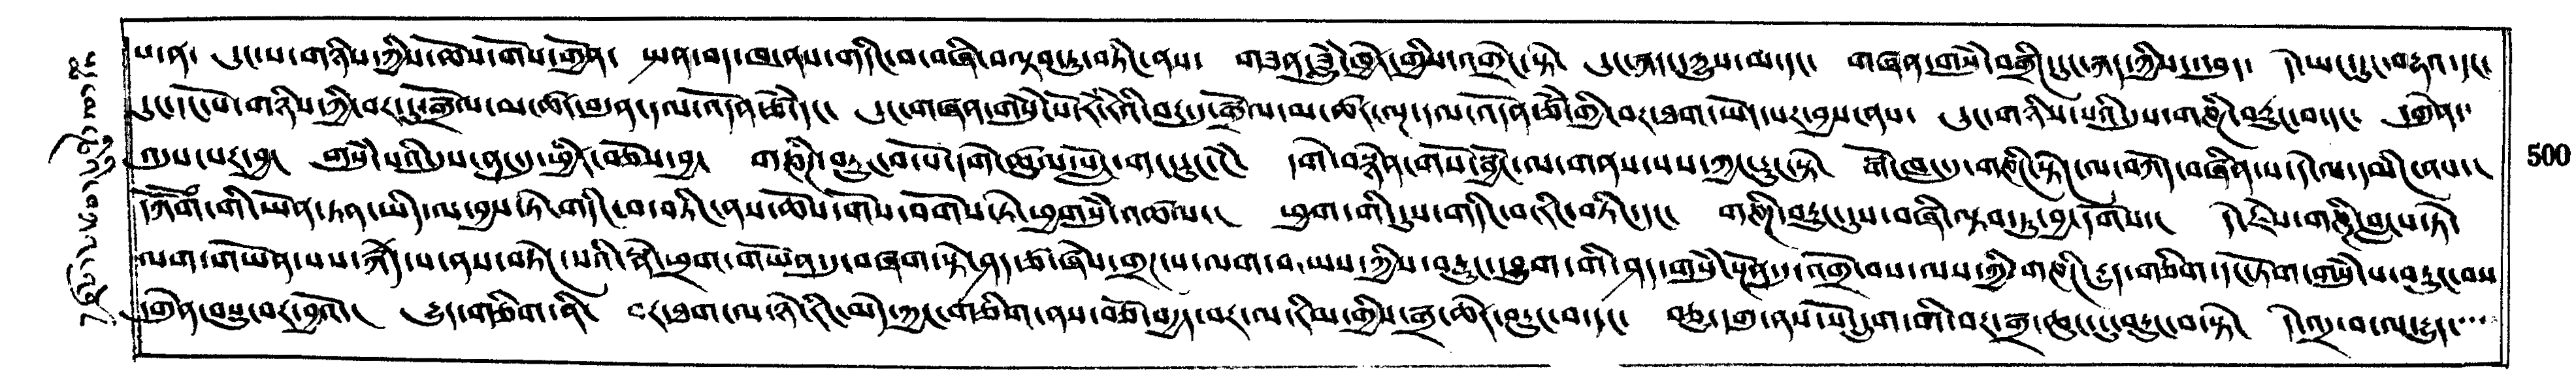པ་ན། དུང་པ་གཉིས་ཀྱིས་ཆོས་གོས་གྱོན། སྤིན་བད་ཁ་ནས་གདིང་བ་བཞི་བལྟབ་ཏུ་བཏིང་ནས། གཟན་ཟླུམ་ཁྱེར་གྱིས་འགྲེང་སྟེ། དུང་སྐད་དཀྱུས་མ་དང་། གཞན་གསུམ་བསྒྲིགས་དུང་སྐད་ཀྱིས་འབུད། དེ་ཡང་དུང་བརྡའ་དང་
དུང་དང་པོ་གཉིས་ཀྱི་བར་དུ་སྒྲོལ་མ་ཚར་བདུན་དལ་འདོན་ཙམ་དང་། དུང་གཞན་གསུམ་པོ་རེ་རེའི་བར་དུ་སྒྲོལ་མ་ཚར་ལྔ་དལ་འདོན་ཙམ་གྱི་བར་ཐག་ཡོད་པར་བྱས་ནས། དུང་གཉིས་པའི་དུས་གཎྜི་བརྡུང་བ་དང་། དགེ་འདུན་
འདུས་པར་བྱ། གསུམ་པའི་དུས་ནང་དུ་ཕྱིར་བཅོས་བྱ། གཎྜི་བརྡུང་བ་པོ་དགེ་ཚུལ་སློང་གང་རུང་ངམ། དགེ་བསྙེན་གསོ་སྦྱོང་ལ་གནས་པས་ཀྱང་རུང་སྟེ། སྒོ་ཁང་དུ་གཎྜི་སྟེགས་ལ་བཀོད་བཞིན་པ་དེ་ལ་དམིགས་ནས། 
དཀོན་མཆོག་གི་ཡོན་ཏན་ཡིད་ལ་བྱས་ཏེ་གདིང་བ་བཏིང་ནས་ཆོས་གོས་བགོས་ཏེ་ཕྱག་གསུམ་འཚལ། ཕྱག་གི་དུས་གདིང་བ་རིང་བཏིང་དང་། གཎྜི་བརྡུང་དུས་བཞིབ་ལྟབ་ཏུ་བྱ་དགོས། དེ་རྗེས་གཎྜི་བླངས་ཏེ་
ལག་གཡོན་པས་རྐེད་པ་ནས་བཏེགས་པའི་སྣེ་ཕྲག་གཡོན་དུ་བཞག་སྟེ་ཤད་ཙ་ཞེས་གྲགས་པ་ལག་གཡས་ཀྱིས་བརྡུང་དབྱུག་གི་ཤད་གསུམ་སྔོན་དུ་འགྲོ་བས་ལས་ཀྱི་གཎྜི་རྒྱུད་གཅིག་དང་ཏོག་གསུམ་པ་བརྡུང་བས་
དགེ་འདུན་བསྡུ་བར་བྱའོ།།རྒྱུད་གཅིག་ནི། བར་ཐག་ལ་ཉེ་རིང་མེད་ཀྱང་གཅིག་ནས་བཅོ་བརྒྱད་བར་ལ་རིམ་གྱིས་སྒྲ་ཇེ་ཆེར་བརྡུང་བ་དང་། བཅུ་དགུ་ནས་སོ་དྲུག་གི་བར་སྒྲ་ཆུང་ངུ་བརྡུང་བ་སྟེ། དེ་འདྲ་བ་ལ་རྒྱུད་